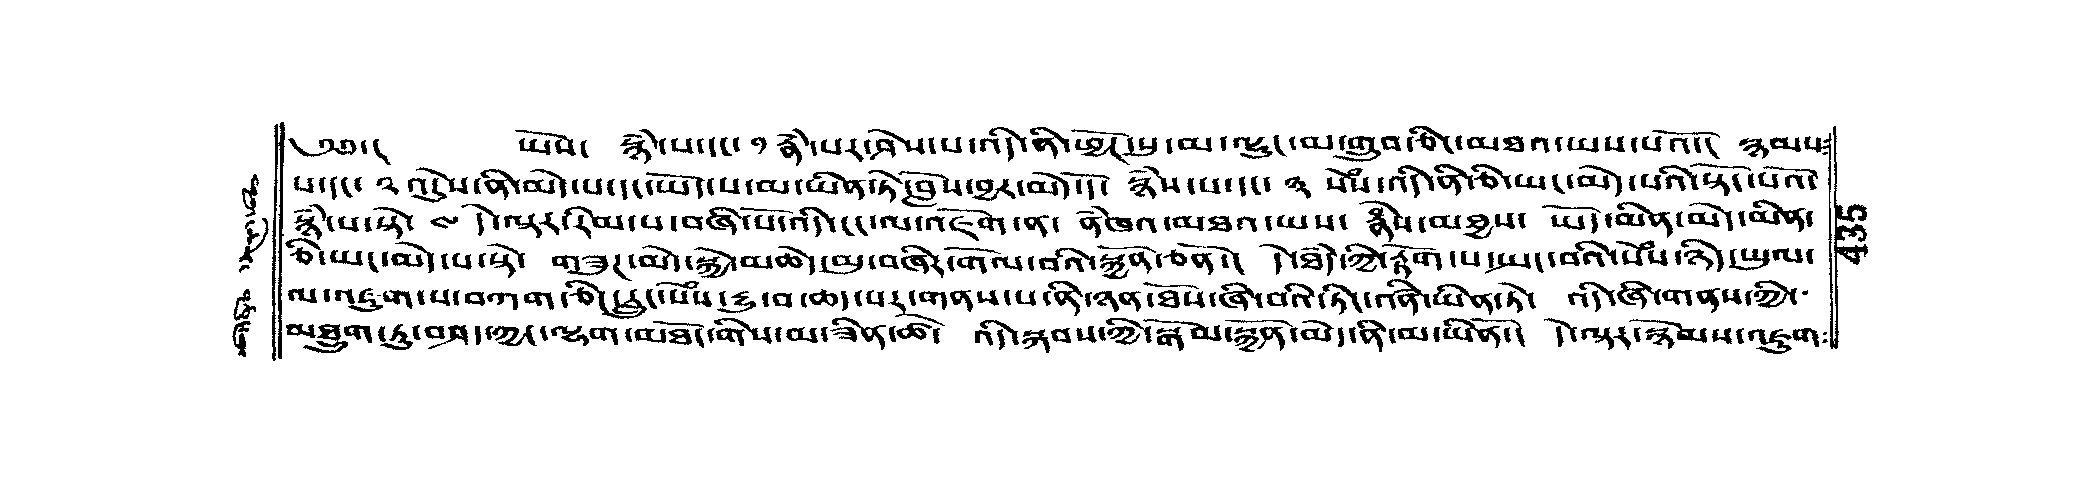ཡས་སོ་སྙམ་པ་དང་། རྣམ་པར་ཤེས་པ་འདི་ནི་ཕྱོགས་སུ་མ་ལྷུང་མ་གྲུབ་ཅིང་མཐའ་ཡས་པའོ་སྙམ་
པ་དང་།འདུ་ཤེས་ནི་མེད་པ་དང་ཡོད་པ་མ་ཡིན་ཏེ་བློས་བྱར་མེད་དོ་སྙམ་པ་དང་། སེམས་འདི་ནི་ཅི་ཡང་མེད་པའི་སྟོང་པའོ་
སྙམ་པ་སྟེ། དེ་ལྟར་རིམ་པ་བཞི་པོ་འདིའི་ངང་ལ་འཇོག་ན། ནམ་མཁའ་མཐའ་ཡས། རྣམ་ཤེས་མཐའ་ཡས། ཡོད་མིན་མེད་མིན། 
ཅི་ཡང་མེད་པ་སྟེ། གཟུགས་མེད་སྐྱེ་མཆེད་མུ་བཞིར་གོལ་བའི་སྐྱོན་ཅན་ནོ། དེ་ཐམས་ཅད་ཀྱི་རྟོག་པ་སྤངས་བའི་སེམས་ཉིད་ཡུལ་
ལ་འཇུག་པ་བཀག་ཅིང་རླུང་སེམས་རྒྱུ་བ་ཆད་པར་གནས་པ་ནི་ཉན་ཐོས་ཞི་བའི་ཏིང་འཛིན་ཡིན་ཏེ། འདི་ཞི་གནས་ཀྱི་
མཐར་ཐུག་ཏུ་བཤད་ཀྱང་ལྷག་མཐོང་གིས་ཟིན་ཚེ། འདི་སྐབས་ཀྱི་སྒོམ་སྐྱོན་མེད་ནི་མ་ཡིན་ནོ། དེ་ལྟར་སྙོམས་འཇུག་